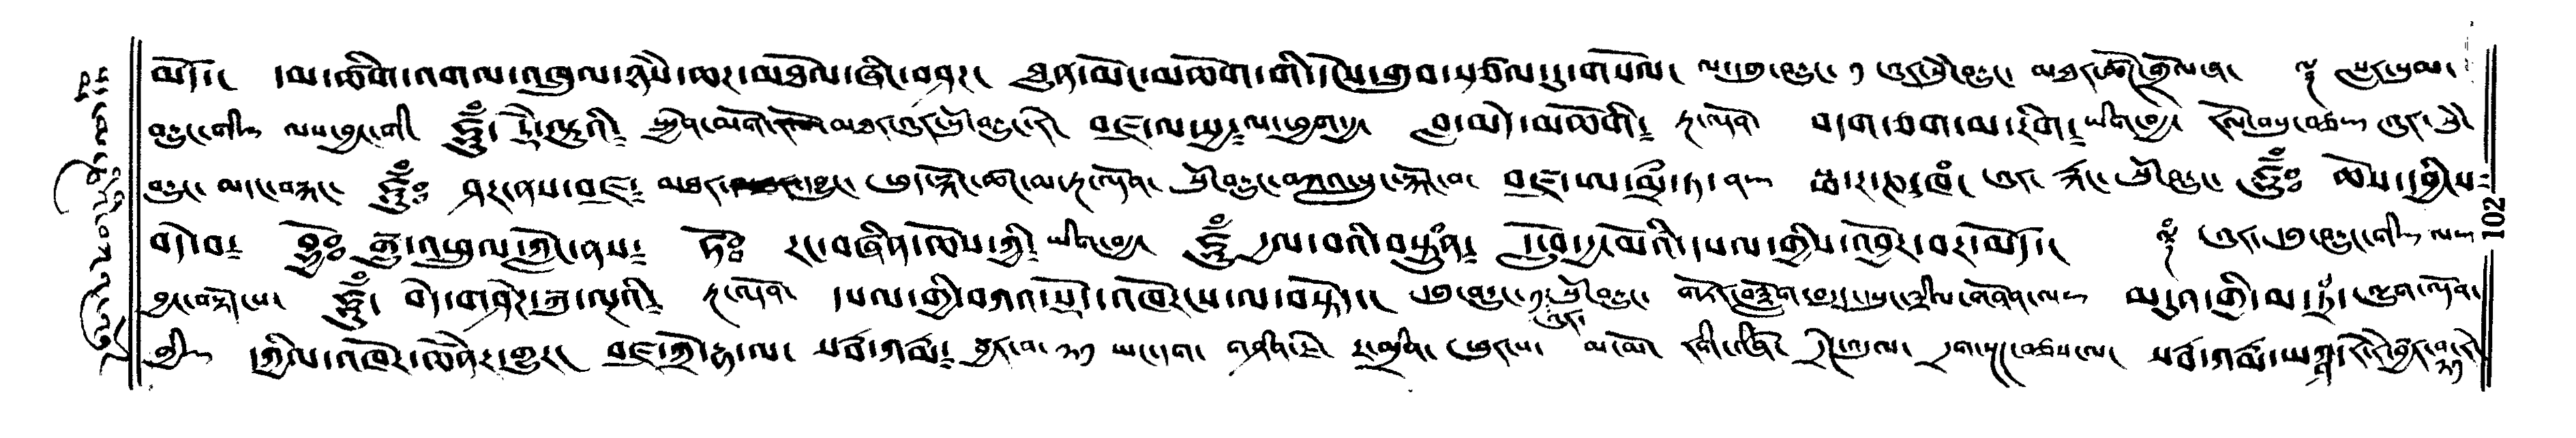མཛོད། །དམ་ཚིག་འགལ་འཁྲུལ་ཉམས་ཆག་མཐོལ་ཞིང་བཤགས། །ཐུན་མོང་མཆོག་གི་དངོས་གྲུབ་བསྩལ་དུ་གསོལ། ལ་དགུ་རྡུང་གཅིག འུར་སུམ་རྡུང་། མཐར་ཚོགས་གྲོལ་ན། ༈ སླར་སུམ་
རྡུང་གིས་ལས་བྱང་གི ཧཱུྃ། རྡོ་རྗེའི་ལྟ་བུའི༴ སྤྱན་འདྲེན་མགོ་མཐར་འུར་སུམ་བརྡུང་རེ། བཛྲ་ལ་སྱེ༴ ལ་ཕྱག་རྒྱ། བླ་མེད་མཆོག་གི༴ རྔ་འདོན། བདག་ཅག་མ་རིག༴ ཡིག་བརྒྱ། རོལ་བསུ་བཅས། འུར། སུམ་
རྡུང་། མདངས་སྐོང་། ཧཱུྃ། ཤར་ནས་བཛྲ༴ མཐར་དབྱུང་། ཕུད་སྐོང་ཚང་མ་རྔ་འདོན། སུམ་རྡུང་བཀའ་སྲུང་སྐོང་བ། བཛྲ་ཨ་མྲི་ཏ་ནས། སྥ་ར་ཎ་ཁཾ། འུར། རྐང་། སུམ་བརྡུང་། ཧཱུྃ། ཆོས་དབྱིངས་
བདེ་བ༴ བྷྱོ། སྒྱུ་འཕྲུལ་ཀློང་ནས༴ ཧོ། རང་བཞིན་ཆོས་ཀྱི༴ ཡིག་བརྒྱ། ཧཱུྃ། རྒྱལ་བའི་བསྟན་སྲུང་གྲུབ། དངོས་གྲུབ་རྒྱ་མཚོའི་དཔལ་གྱིས་འབྱོར་བར་མཛོད། ༈ འུར། དགུ་རྡུང་གིས་ལས་
བྱང་བསྟོད་པ། ཧཱུྃ། བདེ་གཤེགས་སྐུ་ལྔའི༴ རྔ་འདོན། དཔལ་གྱི་བཀའ་སྡོད་འཁོར་ད་ལ་བསྟོད། དགུ་རྡུང་གཅིག འུར། སུམ་རྡུང། གཏོར་ཟློག་བདུད་དཔུང་ཟིལ་གནོན་ལས། མདུན་གྱི་མ་ཏྲམ༴ ལྷུག་འདོན་
གྱིས། དཀྱིལ་འཁོར་ཆེན་པོར་གྱུར༔ བཛྲ་ཀྲོ་དྷ་ལ་སརྦ་ཀརྨ༴ སྦྱར་བ་ཉེར་གཅིག ཡང་དག གཤིན་རྗེ། རྟ་མགྲིན། ཕུར་པ། མ་མོ། རིག་འཛིན། དྲེགས་འདུལ། དྲག་སྔགས་བཅས་ལ། སརྦ་ཀརྨ་ཡཀྴ་རེ་རེ་སྦྱར་བ་ཉེར་གཅིག་རེ།